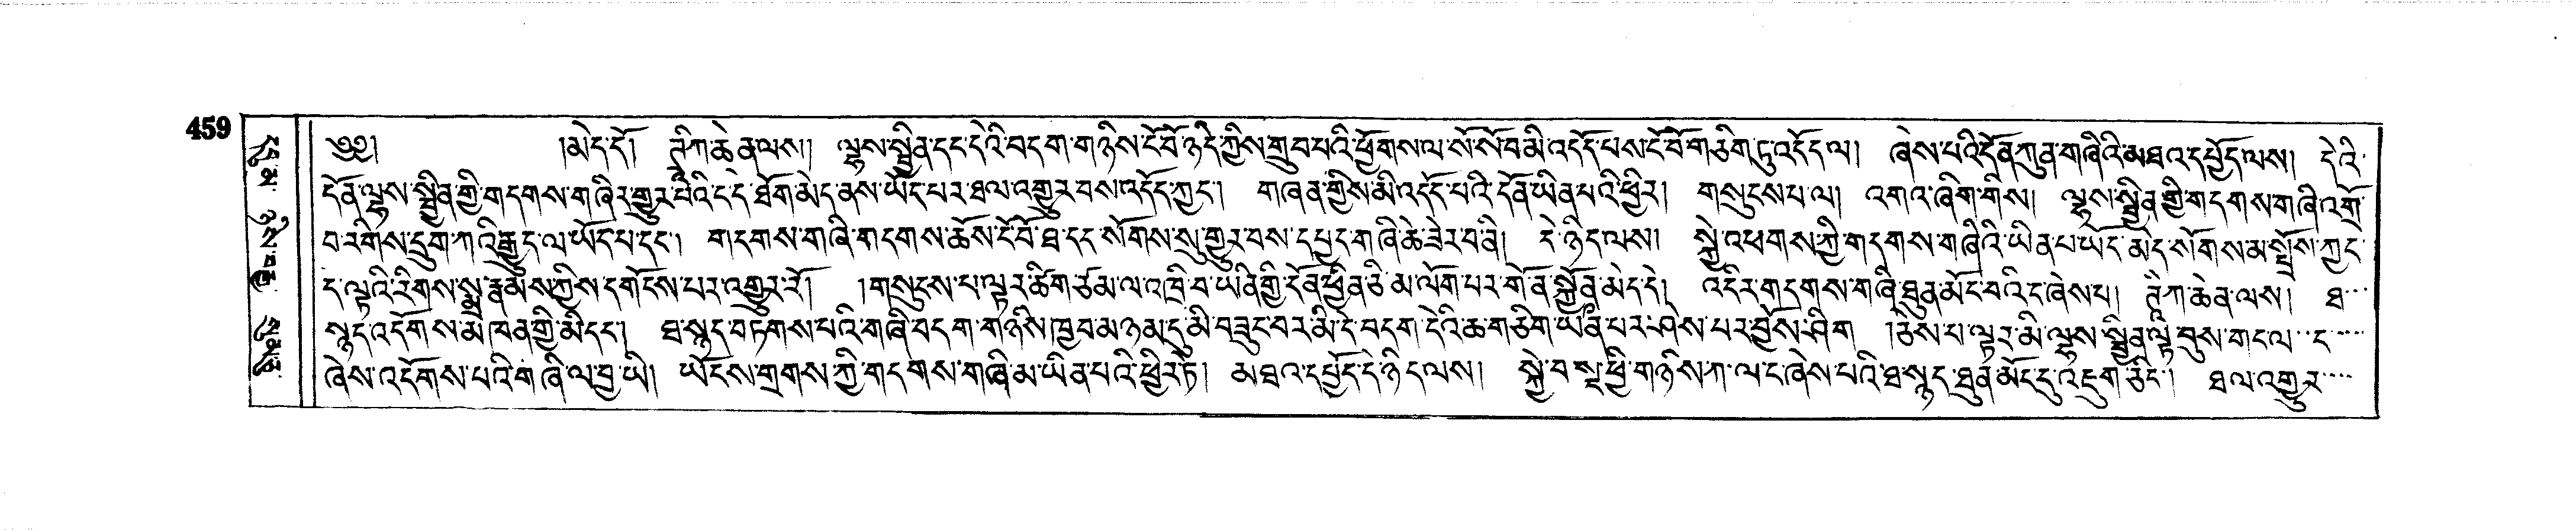༄༅། །མེད་དོ། ཊཱིཀ་ཆེན་ལས། ལྷས་སྦྱིན་དང་དེའི་བདག་གཉིས་ངོ་བོ་ཉིད་ཀྱིས་གྲུབ་པའི་ཕྱོགས་ལ་སོ་སོ་བ་མི་འདོད་པས་ངོ་བོ་གཅིག་ཏུ་འདོད་ལ། ཞེས་པའི་དོན་ཀུན་གཞིའི་མཐའ་དཔྱོད་ལས། དེའི་
དོན་ལྷས་སྦྱིན་གྱི་གདགས་གཞིར་གྱུར་པའི་ང་དེ་ཐོག་མེད་ནས་ཡོང་པར་ཐལ་འགྱུར་བས་འདོད་ཀྱང་། གཞན་གྱིས་མི་འདོད་པའི་དོན་ཡིན་པའི་ཕྱིར། གསུངས་པ་ལ། འགའ་ཞིག་གིས། ལྷས་སྦྱིན་གྱི་གདགས་གཞི་འགྲོ་
བ་རིགས་དྲུག་ཀའི་རྒྱུད་ལ་ཡོད་པ་དང་། གདགས་གཞི་གདགས་ཆོས་ངོ་བོ་ཐ་དད་སོགས་སུ་གྱུར་བས་དཔྱད་གཞི་ཆེ་ཟེར་བ་ནི། ངེ་ཉིད་ལས། སྐྱེ་འཕགས་ཀྱི་གདགས་གཞིའི་ཡིན་པ་ཡོད་མེད་སོགས་མ་སྤྲོས་ཀྱང་
དེ་ལྟའི་རིགས་སྨྲ་རྣམས་ཀྱིས་དགོངས་པར་འགྱུར་རོ། །གསུངས་པ་ལྟར་ཚིག་ཙམ་ལ་འཁྲི་བ་ཡིན་གྱི་དོན་ཕྱིན་ཅི་མ་ལོག་པར་གོ་ན་སྐྱོན་མེད་དེ། འདིར་གདགས་གཞི་ཐུན་མོང་བའི་ང་ཞེས་པ། ཊཱིཀ་ཆེན་ལས། ཐ་
སྙད་འདོགས་མཁན་གྱི་མི་དང་། ཐ་སྙད་བཏགས་པའི་གཞི་བདག་གཉིས་ཁྱབ་མཉམ་དུ་མི་བཟུང་བར་མི་དེ་བདག་དེའི་ཆ་གཅིག་ཡིན་པར་ཤེས་པར་བྱོས་ཤིག །ཅེས་པ་ལྟར་མི་ལྷས་སྦྱིན་ལྟ་བུས་གང་ལ་ང་
ཞེས་འདོགས་པའི་གཞི་ལ་བྱ་ཡི། ཡོངས་གྲགས་ཀྱི་གདགས་གཞི་མ་ཡིན་པའི་ཕྱིར་ཏེ། མཐའ་དཔྱོད་དེ་ཉིད་ལས། སྐྱེ་བ་སྔ་ཕྱི་གཉིས་ཀ་ལ་ང་ཞེས་པའི་ཐ་སྙད་ཐུན་མོང་དུ་འཇུག་ཅིང་། ཐལ་འགྱུར་